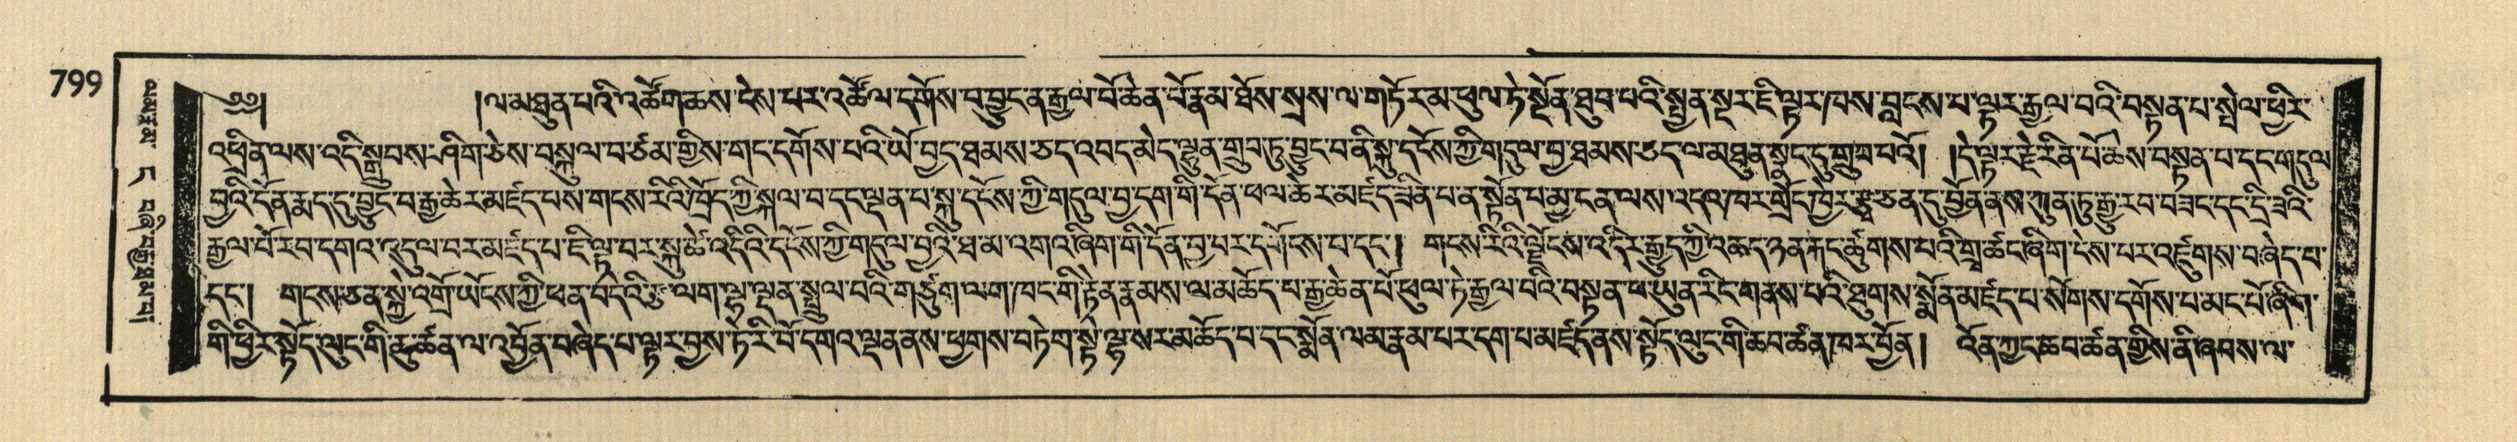༄༅། །ལ་མཐུན་པའི་འཚོག་ཆས་ངེས་པར་འཚོལ་དོགས་པ་བྱུང་ན་རྒྱལ་པོ་ཆེན་པོ་རྣམ་ཐོས་སྲས་ལ་གཏོར་མ་ཕུལ་ཏེ་སྔོན་ཐུབ་པའི་སྤྱན་སྔར་ཇི་ལྟར་ཁས་བླངས་པ་ལྟར་རྒྱལ་བའི་བསྟན་པ་སྤེལ་ཕྱིར་
འཕྲིན་ལས་འདི་སྒྲུབས་ཤིག་ཅེས་བསྐུལ་བ་ཙམ་གྱིས་གང་དགོས་པའི་ཡོ་བྱད་ཐམས་ཅད་འབད་མེད་ལྷུན་གྲུབ་ཏུ་བྱུང་བ་ནི་སྐུ་དངོས་ཀྱི་གདུལ་བྱ་ཐམས་ཅད་ལ་མཐུན་སྣང་དུ་གྲུབ་པའོ། །དེ་ལྟར་རྗེ་རིན་པོ་ཆེས་བསྟན་པ་དང་གདུལ་
བྱའི་དོན་རྨད་དུ་བྱུང་བ་རྒྱ་ཆེར་མཛད་པས་གངས་རིའི་ཁྲོད་ཀྱི་སྐལ་བ་དང་ལྡན་པ་སྐུ་དངོས་ཀྱི་གདུལ་བྱ་དག་གི་དོན་ཕལ་ཆེར་མཛད་ཟིན་པ་ན་སྟོན་པ་མྱ་ངན་ལས་འདའ་ཁར་གྲོང་ཁྱེར་རྩྭ་ཅན་དུ་བྱོན་ནས་ཀུན་ཏུ་རྒྱུ་རབ་བཟང་དང་དྲི་ཟའི་
རྒྱལ་པོ་རབ་དགའ་འདུལ་བར་མཛད་པ་ཇི་ལྟ་བར་སྐུ་ཚེ་འདིའི་དངོས་ཀྱི་གདུལ་བྱའི་ཐ་མ་འགའ་ཞིག་གི་དོན་བྱ་བར་དགོངས་པ་དང་། གངས་རིའི་ལྗོངས་འདིར་རྒྱུད་ཀྱི་འཆད་ཉན་རྐང་ཚུགས་པའི་གྲྭ་ཚང་ཞིག་ངེས་པར་འཛུགས་བཞེད་པ་
དང་། གངས་ཅན་སྐྱེ་འགྲོ་ཡོངས་ཀྱི་ཕན་བདེའི་རྩ་ལག་ལྷ་ལྡན་སྤྲུལ་བའི་གཙུག་ལག་ཁང་གི་རྟེན་རྣམས་ལ་མཆོད་པ་རྒྱ་ཆེན་པོ་ཕུལ་ཏེ་རྒྱལ་བའི་བསྟན་པ་ཡུན་རིང་གནས་པའི་ཐུགས་སྨོན་མཛད་པ་སོགས་དགོས་པ་མང་པོ་ཞིག་
གི་ཕྱིར་སྟོད་ལུང་གི་ཆུ་ཚན་ལ་འབྱོན་བཞེད་པ་ལྟར་བྱས་ཏེ་རི་བོ་དགའ་ལྡན་ནས་ཕྱགས་བཏེག་སྟེ་ལྷ་སར་མཆོད་པ་དང་སྨོན་ལམ་རྣམ་པར་དག་པ་མཛད་ནས་སྟོད་ལུང་གི་ཆབ་ཚན་ཁར་བྱོན། འོན་ཀྱང་ཆབ་ཚན་གྱིས་ནི་ཞབས་ལ་